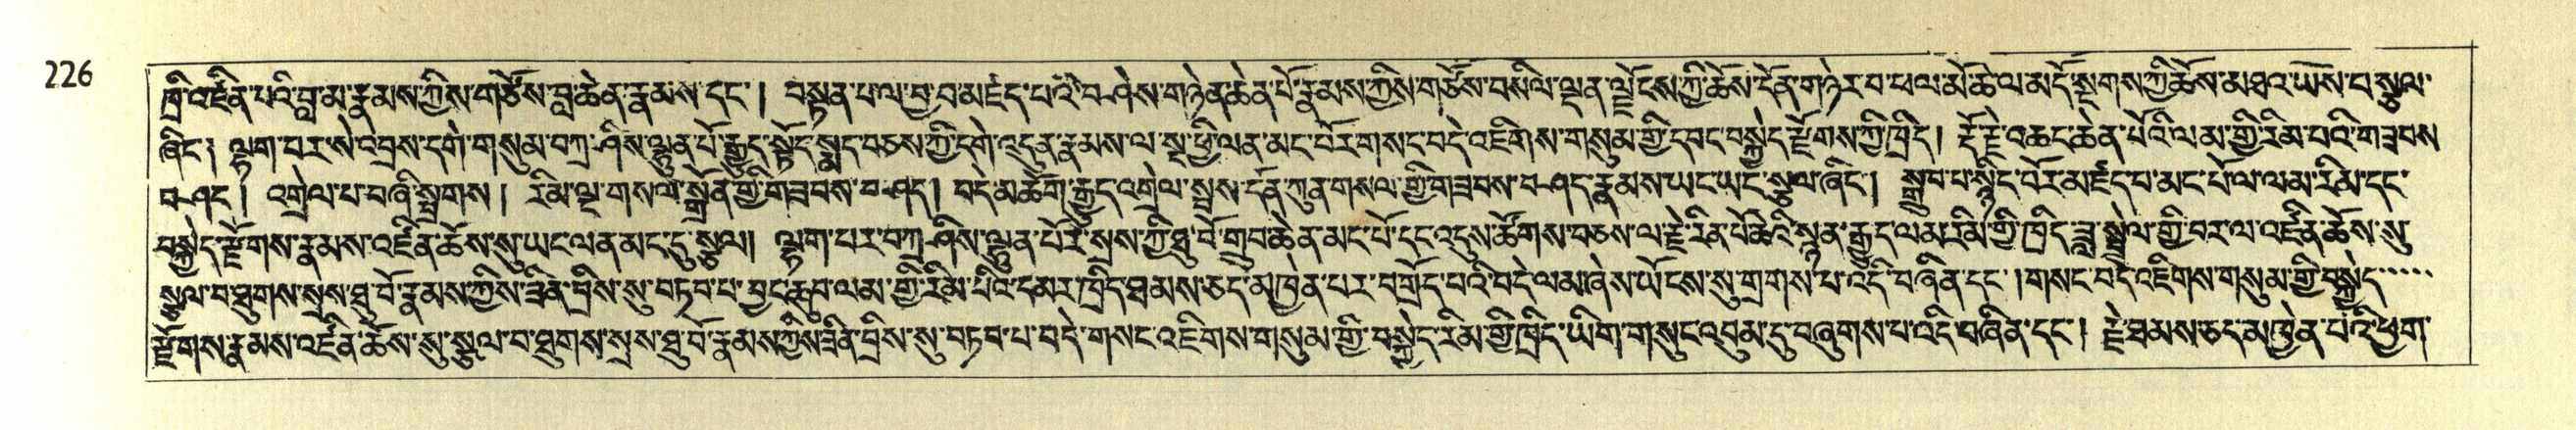ཁྲི་འཛིན་པའི་བླ་མ་རྣམས་ཀྱིས་གཙོས་བླ་ཆེན་རྣམས་དང་། བསྟན་པ་ལ་བྱ་བ་མཛད་པའི་བཤེས་གཉེན་ཆེན་པོ་རྣམས་ཀྱིས་གཙོས་བསིལ་ལྡན་ལྗོངས་ཀྱི་ཆོས་དོན་གཉེར་བ་ཕལ་མོ་ཆེ་ལ་མདོ་སྔགས་ཀྱི་ཆོས་མཐའ་ཡོས་པ་སྩལ་
ཞིང༑ ལྷག་པར་སེ་འབྲས་དགེ་གསུམ་བཀྲ་ཤིས་ལྷུན་པོ་རྒྱུད་སྟོད་སྨད་བཅས་ཀྱི་དགེ་འདུན་རྣམས་ལ་སྔ་ཕྱི་ལན་མང་པོར་གསང་བདེ་འཇིགས་གསུམ་གྱི་དབང་བསྐྱེད་རྫོགས་ཀྱི་ཁྲིད། རྡོ་རྗེ་འཆང་ཆེན་པོའི་ལམ་གྱི་རིམ་པའི་གཟབས་
བཤད། འགྲེལ་པ་བཞི་སྦྲགས། རིམ་ལྔ་གསལ་སྒྲོན་གྱི་གཟབས་བཤད། བདེ་མཆོག་རྒྱུད་འགྲེལ་སྦས་དོན་ཀུན་གསལ་གྱི་གཟབས་བཤད་རྣམས་ཡང་ཡང་སྩལ་ཞིང་། སྒྲུབ་པ་སྙིང་པོར་མཛད་པ་མང་པོ་ལ་ལམ་རིམ་དང་
བསྐྱེད་རྫོགས་རྣམས་འཛིན་ཆོས་སུ་ཡང་ལན་མང་དུ་སྩལ། ལྷག་པར་བཀྲ་ཤིས་ལྷུན་པོར་སྲས་ཀྱི་ཐུ་བོ་གྲུབ་ཆེན་མང་པོ་དང་འདུས་ཚོགས་བཅས་ལ་རྗེ་རིན་པོ་ཆེའི་སྙན་རྒྱུད་ལམ་རིམ་གྱི་ཁྲིད་ཟླ་སྦྲེལ་གྱི་བར་ལ་འཛིན་ཆོས་སུ་
སྩལ་བ་ཐུགས་སྲས་ཐུ་བོ་རྣམས་ཀྱིས་ཟིན་བྲིས་སུ་བཏབ་པ་བྱང་ཆུབ་ལམ་གྱི་རིམ་པའི་དམར་ཁྲིད་ཐམས་ཅད་མཁྱེན་པར་བགྲོད་པའི་བདེ་ལམ་ཞེས་ཡོངས་སུ་གྲགས་པ་འདི་བཞིན་དང་། གསང་བདེ་འཇིགས་གསུམ་གྱི་བསྐྱེད་
རྫོགས་རྣམས་འཛིན་ཆོས་སུ་སྩལ་བ་ཐུགས་སྲས་ཐུ་བོ་རྣམས་ཀྱིས་ཟིན་བྲིས་སུ་བཏབ་པ་བདེ་གསང་འཇིགས་གསུམ་གྱི་བསྐྱེད་རིམ་གྱི་ཁྲིད་ཡིག་གསུང་འབུམ་དུ་བཞུགས་པ་འདི་བཞིན་དང་། རྗེ་ཐམས་ཅད་མཁྱེན་པའི་ཕྱག་